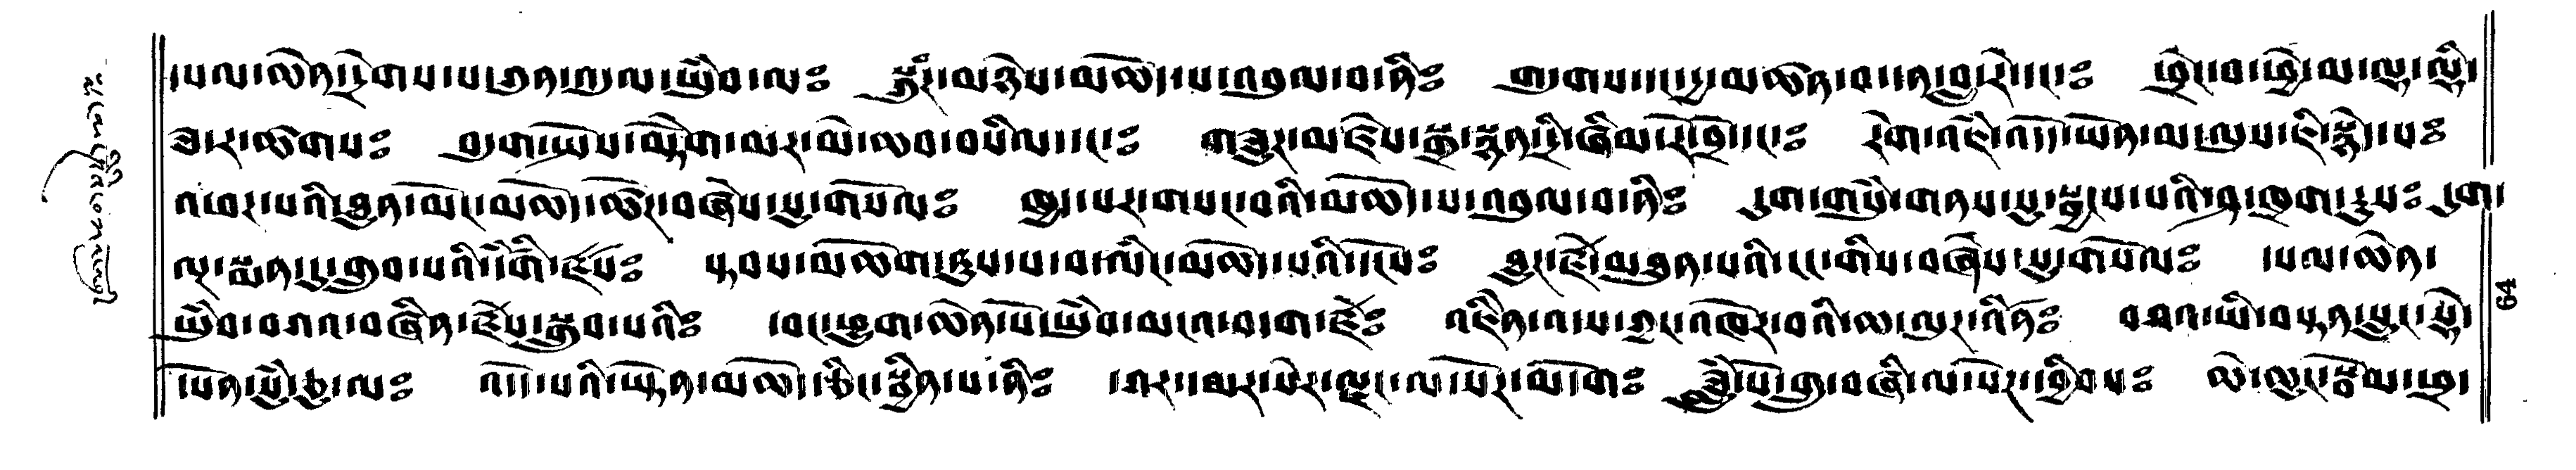དཔལ་ཆེན་དྲེགས་པ་ཀུན་འདུལ་ཡབ་ཡུམ་ལཿ སྐུ་གསུང་ཐུགས་མ་མཉེས་མཆོད་པ་འབུལ་བ་ནིཿ གདུགས་དང་རྒྱ་མཚན་བ་དན་བླ་རེ་དང༔ ཕྲེང་བ་ཕྱེ་མ་ལྡ་ལྡི་
ཟ་ར་ཚགསཿ བདུག་སྤོས་མེ་ཏོག་མར་མེ་ཆབ་བསིལ་དང་ཿ གཟུགས་མཛེས་སྒྲ་སྙན་དྲི་ཞིམ་རོ་བྲོ་དང་ཿ རེག་འཇམ་འདོད་ཡོན་མ་ལུས་ཇི་སྙེད་པཿ 
འཕགས་པའི་ཐུན་མོང་མཆོད་ཚོགས་བཞེས་སུ་གསོལཿ ཁྱད་པར་གསང་བའི་མཆོད་པ་འབུལ་བ་ནིཿ དུག་གསུམ་གནས་སུ་སྦྱངས་པའི་ཤ་ཁྲག་རུསཿ དུག་
ལྔ་སྨན་དུ་གྲུབ་པའི་དམ་ཚིག་རྫསཿ སྟབས་མཆོག་ནུས་པ་བ་ལིང་མཆོད་པའི་དངོསཿ ཐུགས་རྗེ་མཐུན་པའི་ངང་གིས་བཞེས་སུ་གསོལཿ དཔལ་ཆེན་
ཡབ་ཡུམ་བཀའ་བཞིན་རྗེས་སྒྲུབ་པའིཿ དབང་ཕྱུག་ཆེན་པོ་ཡབ་ཡུམ་མངའ་བདག་རྗེཿ འཇིག་རྟེན་འདས་ཀྱང་འཁོར་བའི་ཆ་ལུགས་འཛིནཿ བཀའ་ཡི་བསྟན་སྲུང་སྡེ་
དཔོན་སུམ་ཅུ་ལཿ འདོད་པའི་ཡོན་ཏན་མཆོད་ཅིང་སྦྱིན་པ་ནིཿ དཀར་དམར་སེར་ལྗང་ལ་སོགས་མདོགཿ ཟླུམ་པོ་གྲུ་བཞི་ལ་སོགས་དབྱིབསཿ ཆེ་ཆུང་སྦོ་མ་ཕྲ་